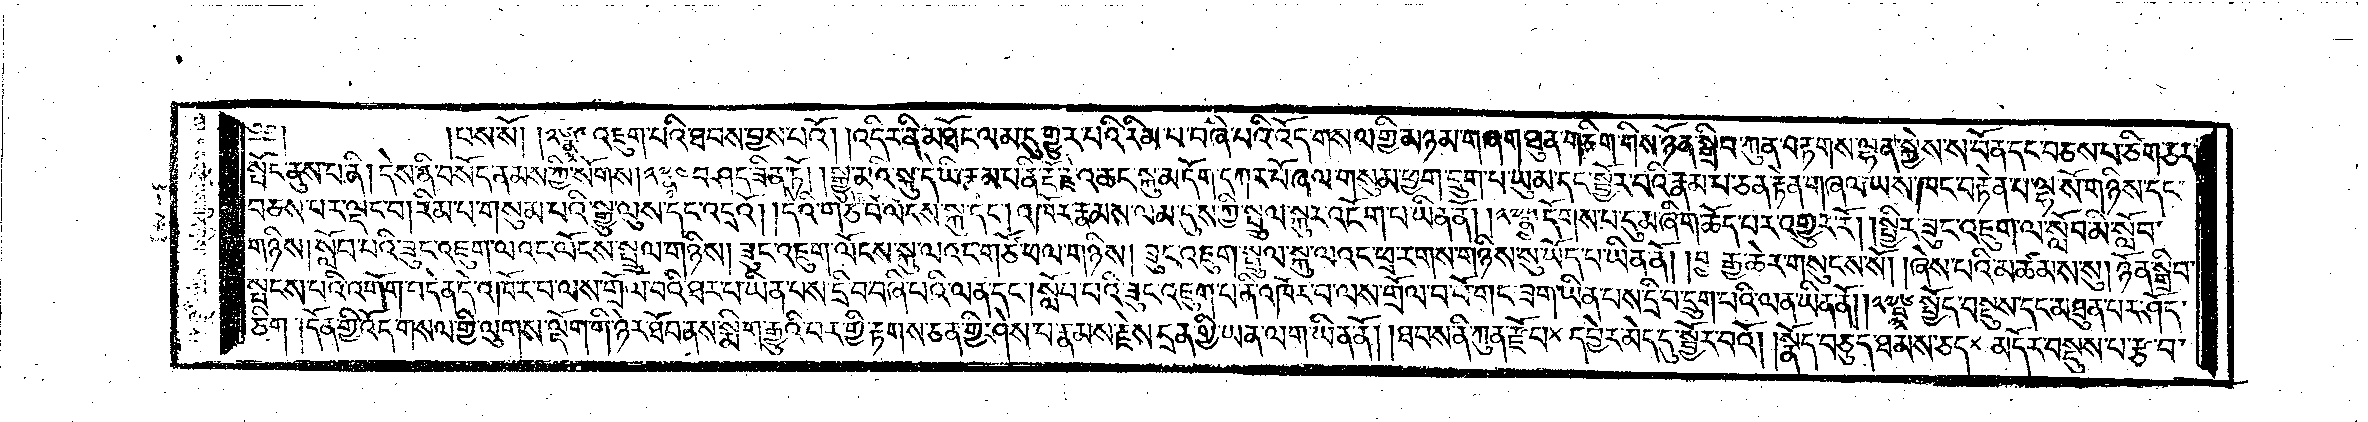༄༅། །པས་སོ། །༢༦༩ན༣་འཇུག་པའི་ཐབས་བྱས་པའོ། །འདིར་ནི་མཐོང་ལམ་དུ་གྱུར་བའི་རིམ་པ་བཞི་བའི་འོད་གསལ་གྱི་མཉམ་གཞག་ཐུན་གཅིག་གིས་ཉོན་སྒྲིབ་ཀུན་བརྟགས་ལྷན་སྐྱེས་ས་བོན་དང་བཅས་པ་ཅིག་ཅར་
སྤོང་ནུས་པ་ནི། དེས་ནི་བསོད་ནམས་ཀྱི་སོགས། ༢༧༤ན༡་བཤད་ཟིན་ཏོ། །སྒྱུ་མའི་སྐུ་དེ་ཡི་རྣམ་པ་ནི་རྡོ་རྗེ་འཆང་སྐུ་མདོག་དཀར་པོ་ཞལ་གསུམ་ཕྱག་དྲུག་པ་ཡུམ་དང་སྦྱོར་བའི་རྣམ་པ་ཅན་རྟེན་གཞལ་ཡས་ཁང་བརྟེན་པ་ལྷ་སོ་གཉིས་དང་
བཅས་པར་ལྡང་པ། རིམ་པ་གསུམ་པའི་སྒྱུ་ལུས་དང་འདྲའོ། །དེའི་གཙོ་བོ་ལོངས་སྐུ་དང་། འཁོར་རྣམས་ལམ་དུས་ཀྱི་སྤྲུལ་སྐུར་འཇོག་པ་ཡིན་ནོ། །༢༧༥ན༤་དོགས་པ་དུ་མ་ཞིག་ཆོད་པར་འགྱུར་རོ། །སྤྱིར་ཟུང་འཇུག་ལ་སློབ་མི་སློབ་
གཉིས། སློབ་པའི་ཟུང་འཇུག་ལའང་ལོངས་སྤྲུལ་གཉིས། ཟུང་འཇུག་ལོངས་སྐུ་ལའང་གཙོ་ཕལ་གཉིས། ཟུང་འཇུག་སྤྲུལ་སྐུ་ལའང་ཕྲ་རགས་གཉིས་སུ་ཡོད་པ་ཡིན་ནོ། །བ༤་རྒྱ་ཆེར་གསུངས་སོ། །ཞེས་པའི་མཚམས་སུ། ཉོན་སྒྲིབ་
སྤངས་པའི་འགོག་བདེན་དེ་འཁོར་བ་ལས་གྲོལ་བའི་ཐར་པ་ཡིན་པས་དྲི་བ་བཞི་པའི་ལན་དང་། སློབ་པའི་ཟུང་འཇུག་པ་ནི་འཁོར་བ་ལས་གྲོལ་བ་པོ་གང་ཟག་ཡིན་པས་དྲི་བ་དྲུག་པའི་ལན་ཡིན་ནོ། །༢༧༦བ༣་སྤྱོད་བསྡུས་དང་མཐུན་པར་ཤོད་
ཅིག །དོན་གྱི་འོད་གསལ་གྱི་ལུགས་ལྡོག་གི་ཉེར་ཐོབ་ནས་སྨིག་རྒྱུའི་བར་གྱི་རྟགས་ཅན་གྱི་ཤེས་པ་རྣམས་རྗེས་དྲན་གྱི་ཡན་ལག་ཡིན་ནོ། །ཐབས་ནི་ཀུན་རྫོབ྾་དབྱེར་མེད་དུ་སྦྱོར་བའོ། །སྣོད་བཅུད་ཐམས་ཅད྾་མདོར་བསྡུས་པ་རྩ་བ་